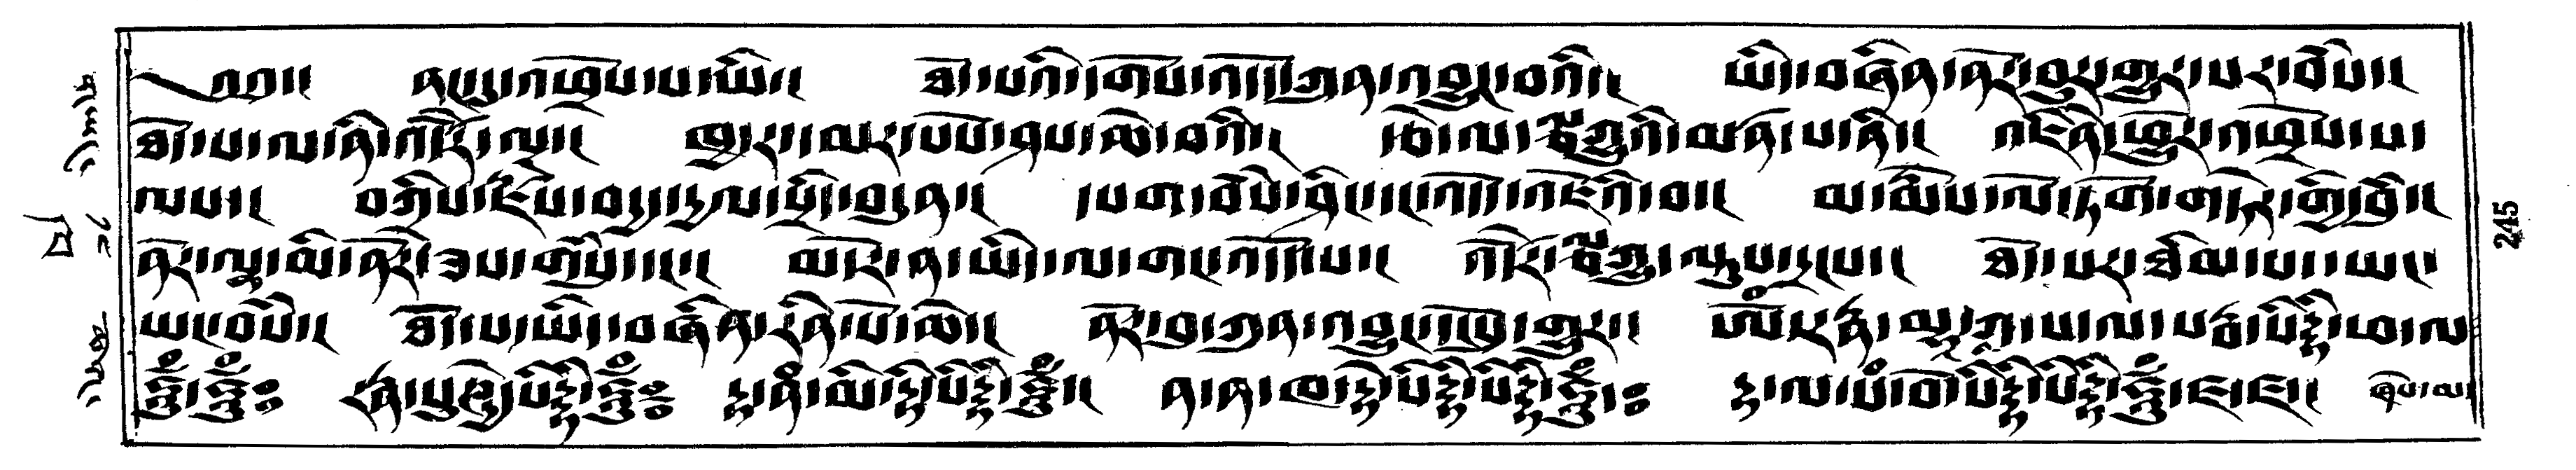ནང་དུ་འཕྲོས་པ་ཡི། །ཐོད་པ་དགོས་འདོད་ཀུན་འབྱུང་བའི། །ཡིད་བཞིན་ནོར་བུར་གྱུར་པར་བསམ། 
ཐོད་པ་ལ་ནི་འོད་ཟེར་ལྔ་། །ཁྱད་པར་དམར་པོ་ཤས་ཆེ་བའི། །རྩེ་ལ་ལྕགས་ཀྱུའི་མཚན་པ་ནི། །འཇིག་རྟེན་ཕྱོགས་བཅུར་རོ་འཕྲོས་པ་
ལས། །བཀྲ་ཤིས་རྫས་བརྒྱད་རྒྱལ་སྲིད་བདུན། །དཔག་བསམ་ཤིང་དང་འདོད་འཇོའི་བ། །མ་རྨོས་ལོ་ཏོག་གཏེར་གྱི་བུམ། །
ནོར་ལྷ་མི་ནོར་ཟས་གསུམ་དང་། །མདོར་ན་ཡིད་ལ་གང་འདོད་པ། །འོད་ཟེར་ལྕགས་ཀྱུ་ལྟ་བུས་དྲངས། །ཐོད་པར་ཐིམ་པ་ཡང་
ཡང་བསམ། །ཐོད་པ་ཡིད་བཞིན་རིན་པོ་ཆེ། །ནོར་བུ་ཀུན་འབྱུང་དངོས་སུ་གྱུར། ཨོཾ་རཏྣ་མ་ཧཱ་ཀཱ་པ་ལ་སརྦ་སིདྡྷི་ཕ་ལ་
ཧཱུྃ་ཧཱུྃ༔ རཏྣ་པུཎྱེ་སིདྡྷི་ཧཱུྃ༔ དྷ་ནཾ་མི་དྡྷིསིདྡྷི་ཧཱུྃ༔ ན་ན་ཁ་རྡེ་སིདྡྷི་སིདྡྷི་ཧཱུྃ༔ དྷ་ལ་སཾ་བོ་སིདྡྷི་སིདྡྷི་ཧཱུྃ་ཛ་ཛ༔ ཞེས་མ་